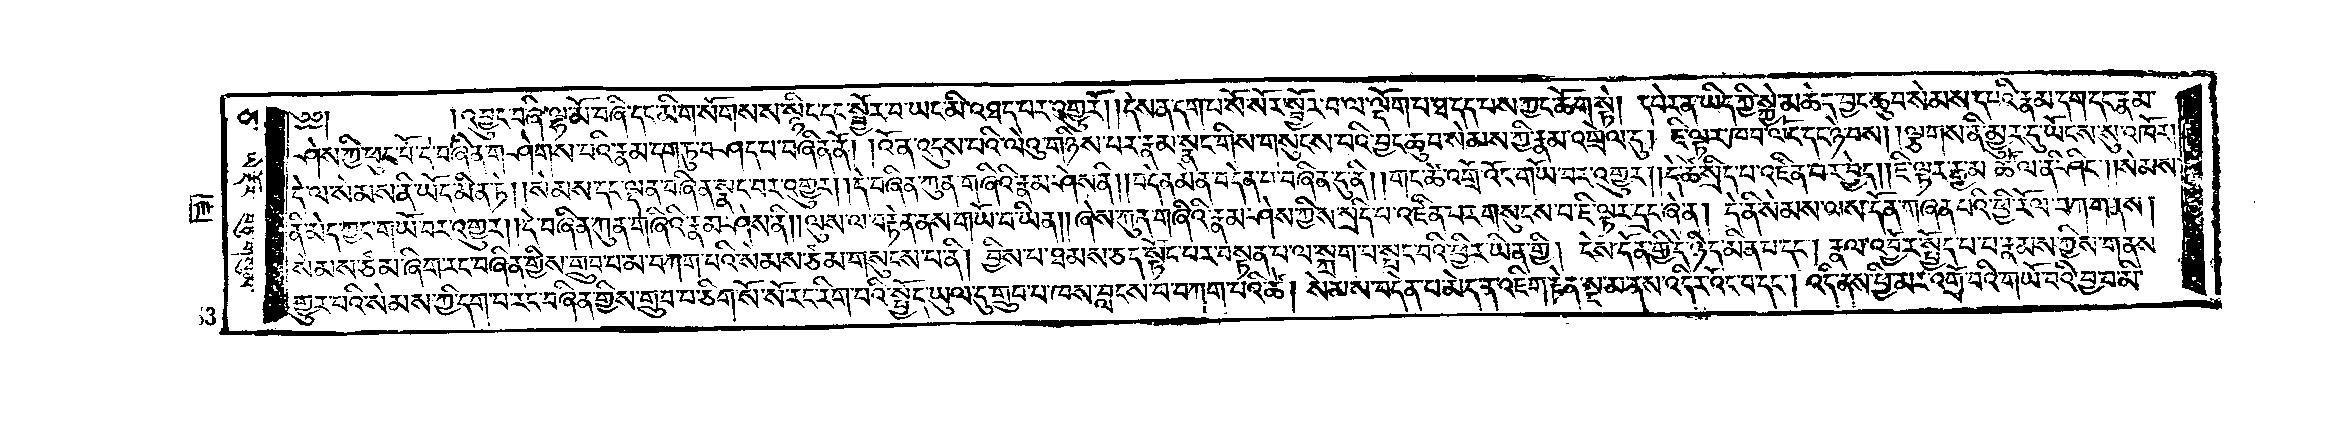༄༅། །འབྱུང་བཞི་ལྷ་མོ་བཞི་དང་མིག་སོགས་ས་སྙིང་དང་སྦྱོར་བ་ཡང་མི་འཐད་པར་འགྱུར་རོ། །དེས་ན་དག་པ་སོ་སོར་སྦྱོར་བ་ལ་ལྡོག་པ་ཐ་དད་པས་ཀྱང་ཆོག་སྟེ། དཔེར་ན་ཡིད་ཀྱི་སྐྱེ་མཆེད་བྱང་ཆུབ་སེམས་དཔའི་རྣམ་དག་དང་རྣམ་
ཤེས་ཀྱི་ཕུང་པོ་དེ་བཞིན་གཤེགས་པའི་རྣམ་དག་ཏུ་བཤད་པ་བཞིན་ནོ། །འོ་ན་འདུས་པའི་ལེའུ་གཉིས་པར་རྣམ་སྣང་གིས་གསུངས་པའི་བྱང་ཆུབ་སེམས་ཀྱི་རྣམ་འགྲེལ་དུ། ཇི་ལྟར་ཁབ་ལོང་དང་ཉེ་བས། །ལྕགས་ནི་མྱུར་དུ་ཡོངས་སུ་འཁོར་
དེ་ལ་སེམས་ནི་ཡོད་མིན་ཏེ། །སེམས་དང་ལྡན་བཞིན་སྣང་བར་འགྱུར། །དེ་བཞིན་ཀུན་གཞིའི་རྣམ་ཤེས་ནི། །བདེན་མིན་བདེན་པ་བཞིན་དུ་ནི། །གང་ཚེ་འགྲོ་འོང་གཡོ་བར་འགྱུར། །དེ་ཚེ་སྲིད་པ་འཛིན་པར་བྱེད། །ཇི་ལྟར་རྒྱ་མཚོ་ལ་ནི་ཤིང་། །སེམས་
ནི་མེད་ཀྱང་གཡོ་བར་འགྱུར། །དེ་བཞིན་ཀུན་གཞིའི་རྣམ་ཤེས་ནི། །ལུས་ལ་བརྟེན་ནས་གཡོ་བ་ཡིན། །ཞེས་ཀུན་གཞིའི་རྣམ་ཤེས་ཀྱིས་སྲིད་པ་འཛིན་པར་གསུངས་པ་ཇི་ལྟར་དྲང་ཞེ་ན། དེ་ནི་སེམས་ལས་དོན་གཞན་པའི་ཕྱི་རོལ་བཀག་ནས།
སེམས་ཙམ་ཞིག་རང་བཞིན་གྱིས་གྲུབ་པ་མ་བཀག་པའི་སེམས་ཙམ་གསུངས་པ་ནི། བྱིས་པ་ཐམས་ཅད་སྟོང་པར་བསྟན་པ་ལ་སྐྲག་པ་སྤང་བའི་ཕྱིར་ཡིན་གྱི། ངེས་དོན་གྱི་དེ་ཉིད་མིན་པ་དང་། རྣལ་འབྱོར་སྤྱོད་པ་བ་རྣམས་ཀྱིས་གནས་
གྱུར་པའི་སེམས་ཀྱི་དག་པ་རང་བཞིན་གྱིས་གྲུབ་པ་ཅིག་སོ་སོ་རང་རིག་པའི་སྤྱོད་ཡུལ་དུ་གྲུབ་པ་ཁས་བླངས་པ་བཀག་པའི་ཚེ། སེམས་བདེན་པ་མེད་ན་འཇིག་རྟེན་སྔ་མ་ནས་འདིར་འོང་བ་དང་། འདི་ནས་ཕྱི་མར་འགྲོ་བའི་གཡོ་བའི་བྱ་བ་མི་